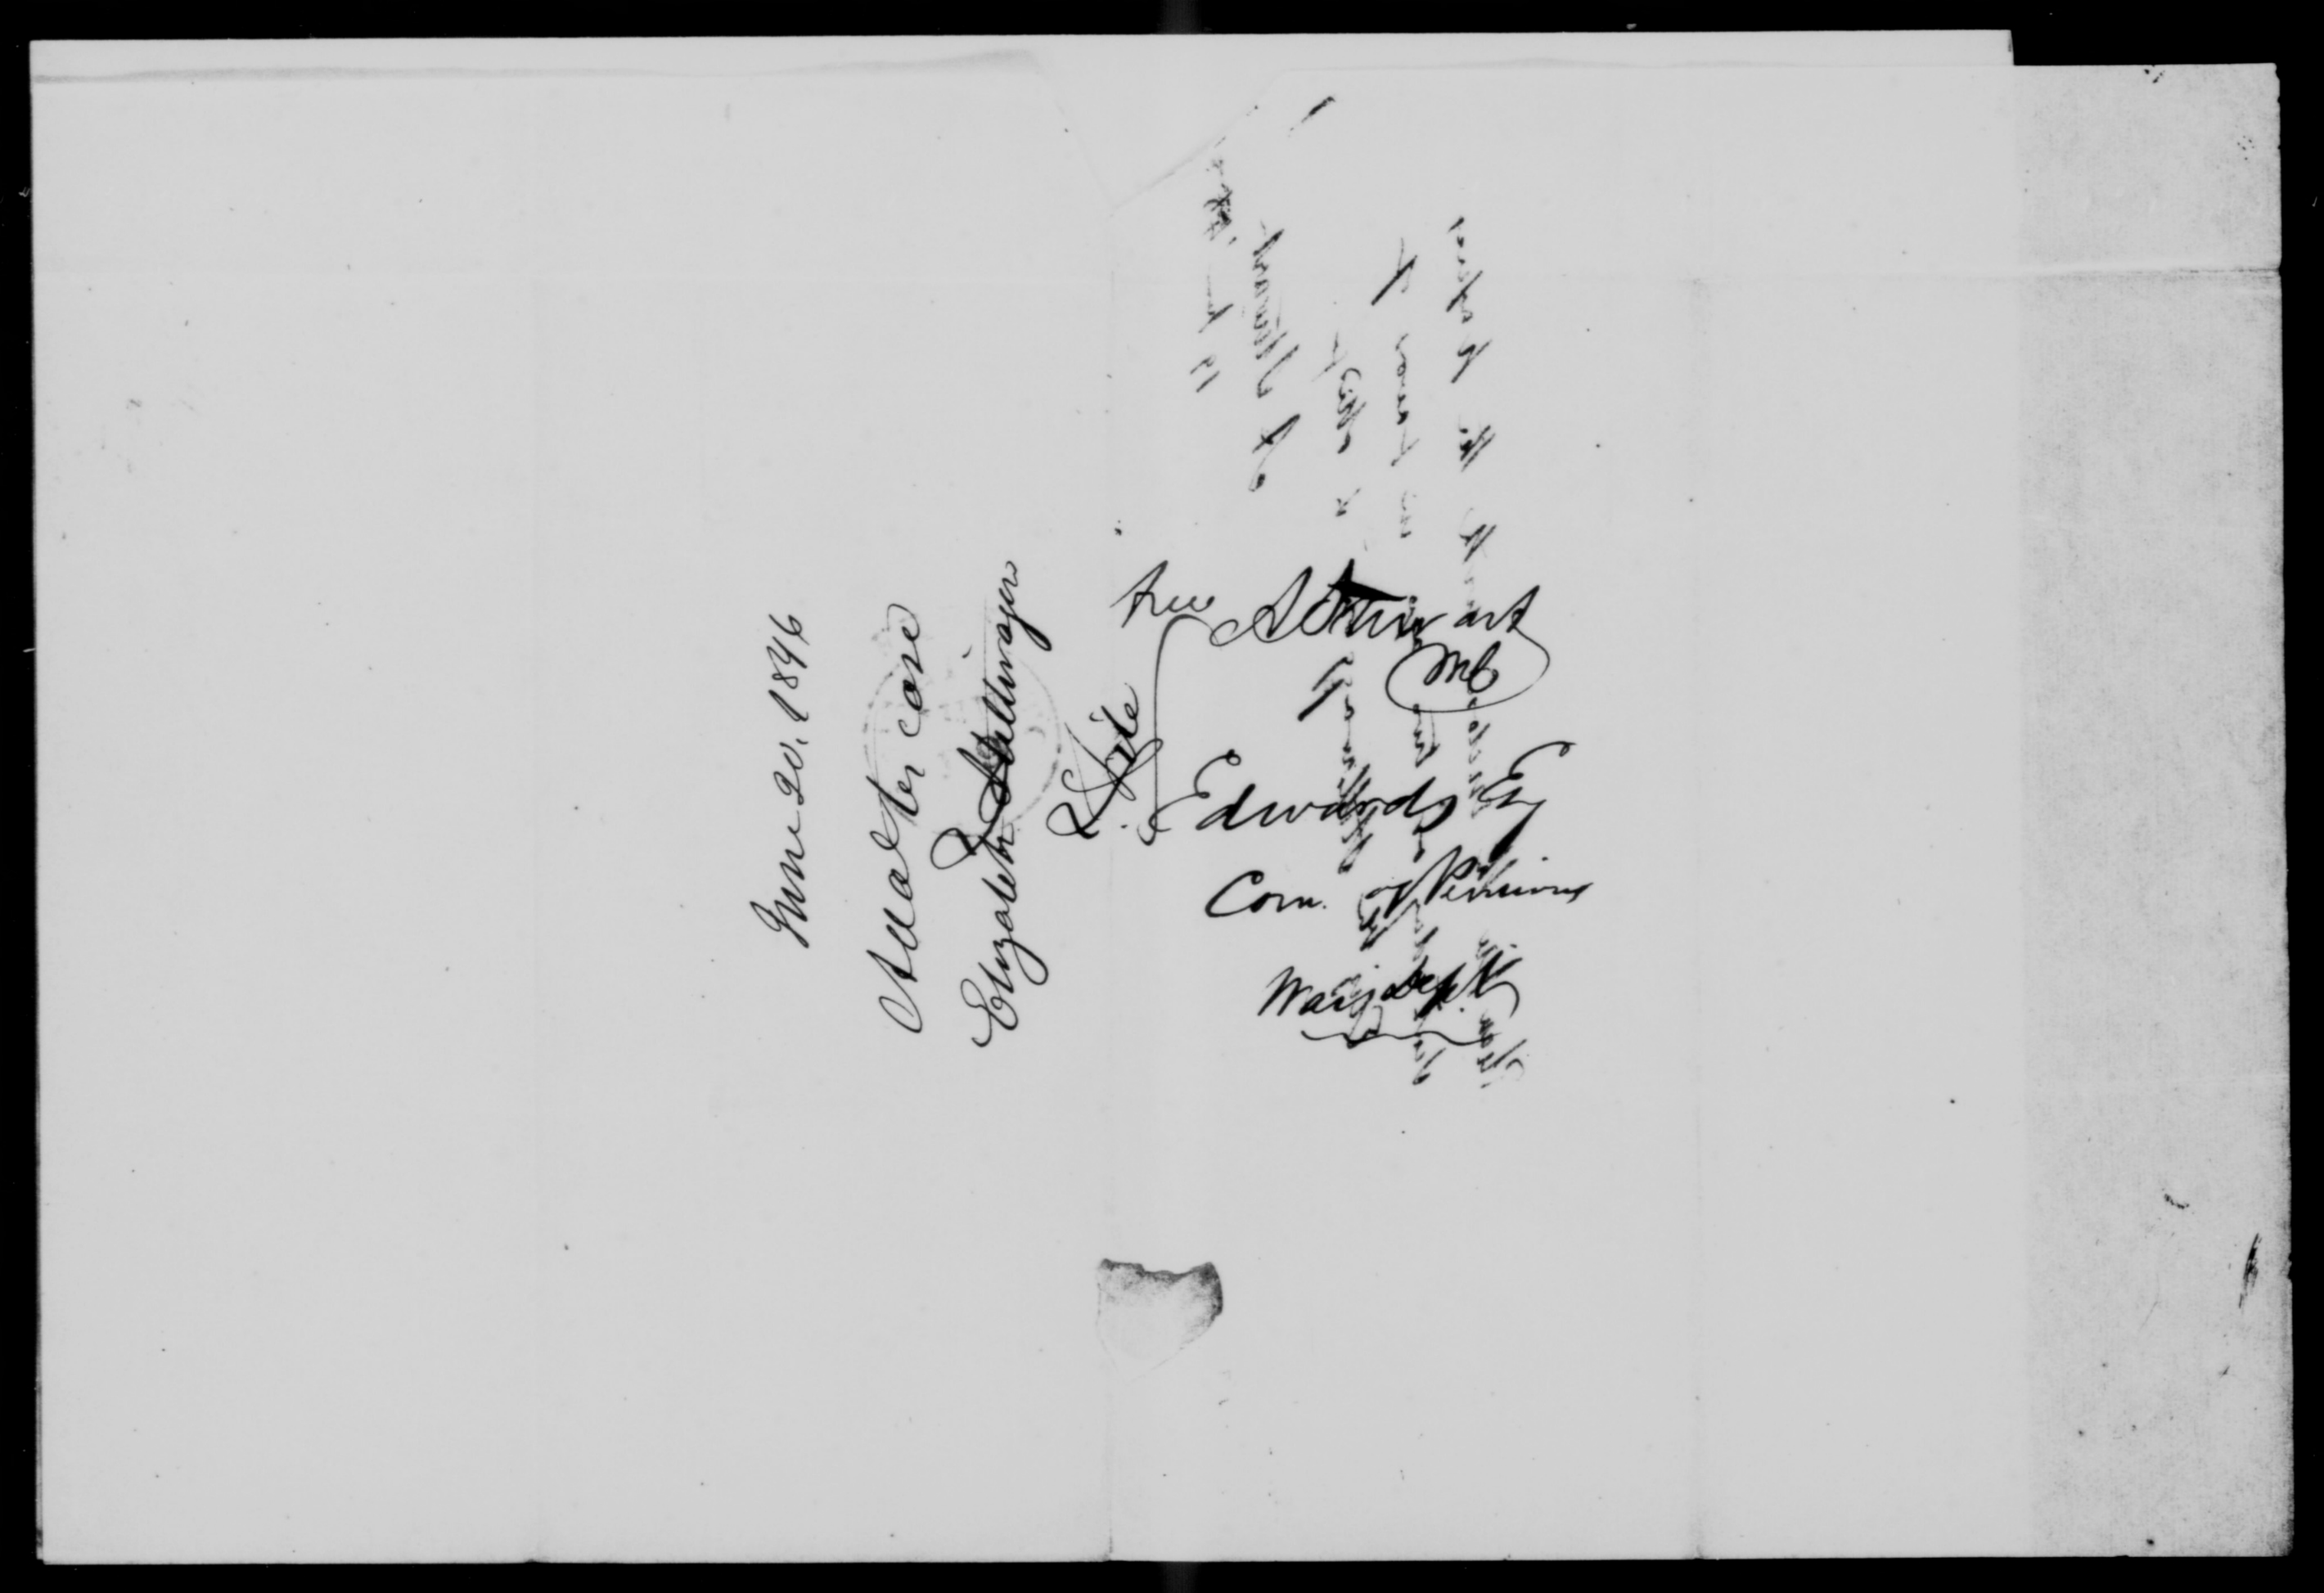[illegible, possible “from”] A Stewart
[illegible]
J. L. Edwards Esq
Com Pensions
Washington

[veritical writing] June 20, 1846
[illegible] case
Elizabeth Stillwagon [vertical writing]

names: J L Edwards; Elizabeth Stillwagon; A Stewart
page: 55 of 73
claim: widow's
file: W. 3197, for Peter Stillwagon, New Jersey